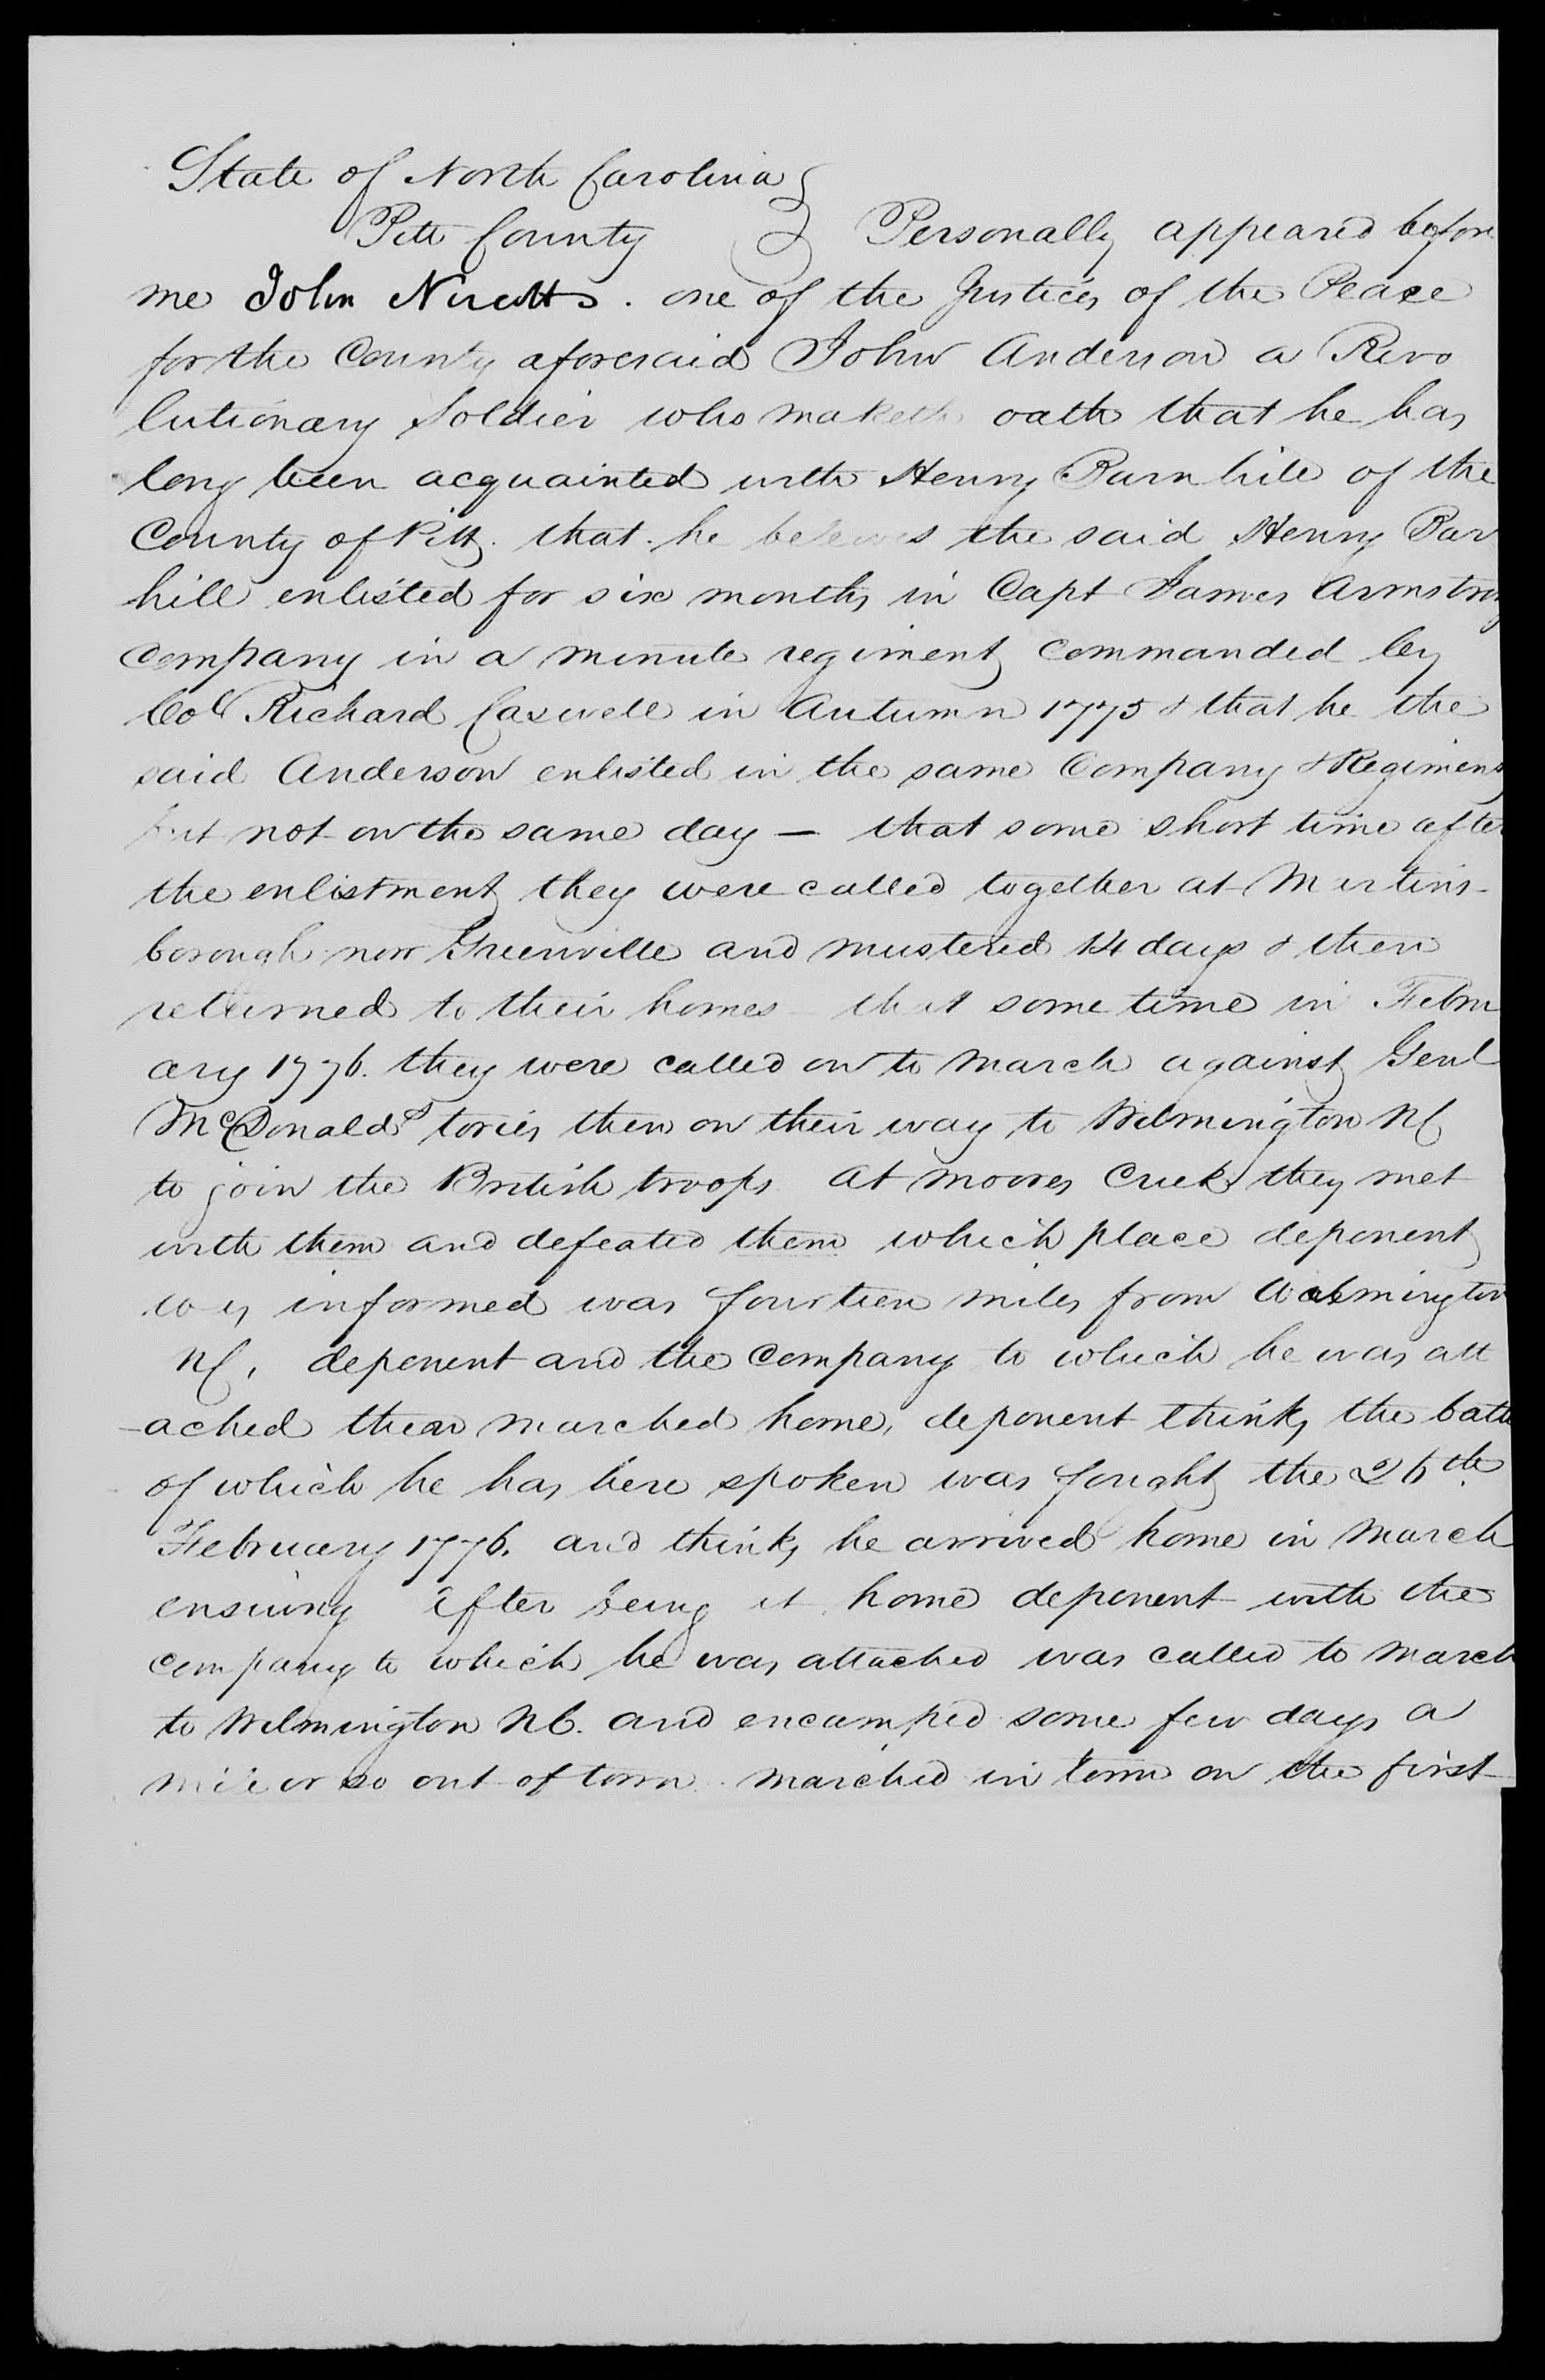State of North Carolina }
Pitt County }
Personally appeared before me John Nircott. one of the Justices of the Peace for the county aforesaid John Anderson a Revolutionary Soldier who maketh oath that he has long been acquainted with Henry Barnhill of the County of Pitt. that he believes the said Henry Barnhill enlisted for six months in Capt James Armstrong company in a minute regiment commanded by Col. Richard Caswell in Autumn 1775 & that he the said Anderson enlisted in the same company & Regiment but the on the same day - that some short time after the enlistment they were called together at Martinsborough now Greenville and mustered 14 days & then returned to their homes - that some time in February 1776. they were called on to march against Genl McDonald's tories then on their way to Wilmington NC to join the British troops at Moores Creek they met with them and defeated them which place deponent was informed was fourteen miles from Wilmington NC, deponent and the company to which he was attached then marched home, deponent thinks the battle of which he has here spoken was fought the 26th February 1776. and thinks he arrived home in March ensuing after being at home deponent with the company to which he was attached was called to march to Wilmington NC. and encamped some few days a mile or so out of term. marched in time on the first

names: Henry Barnhill, John Norcott, John Anderson, Anderson, Henry Barnhill, Richard Caswell, Mc Donald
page: 15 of 42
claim: survivor's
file: S. 6579, Henry Barnhill, N. C.